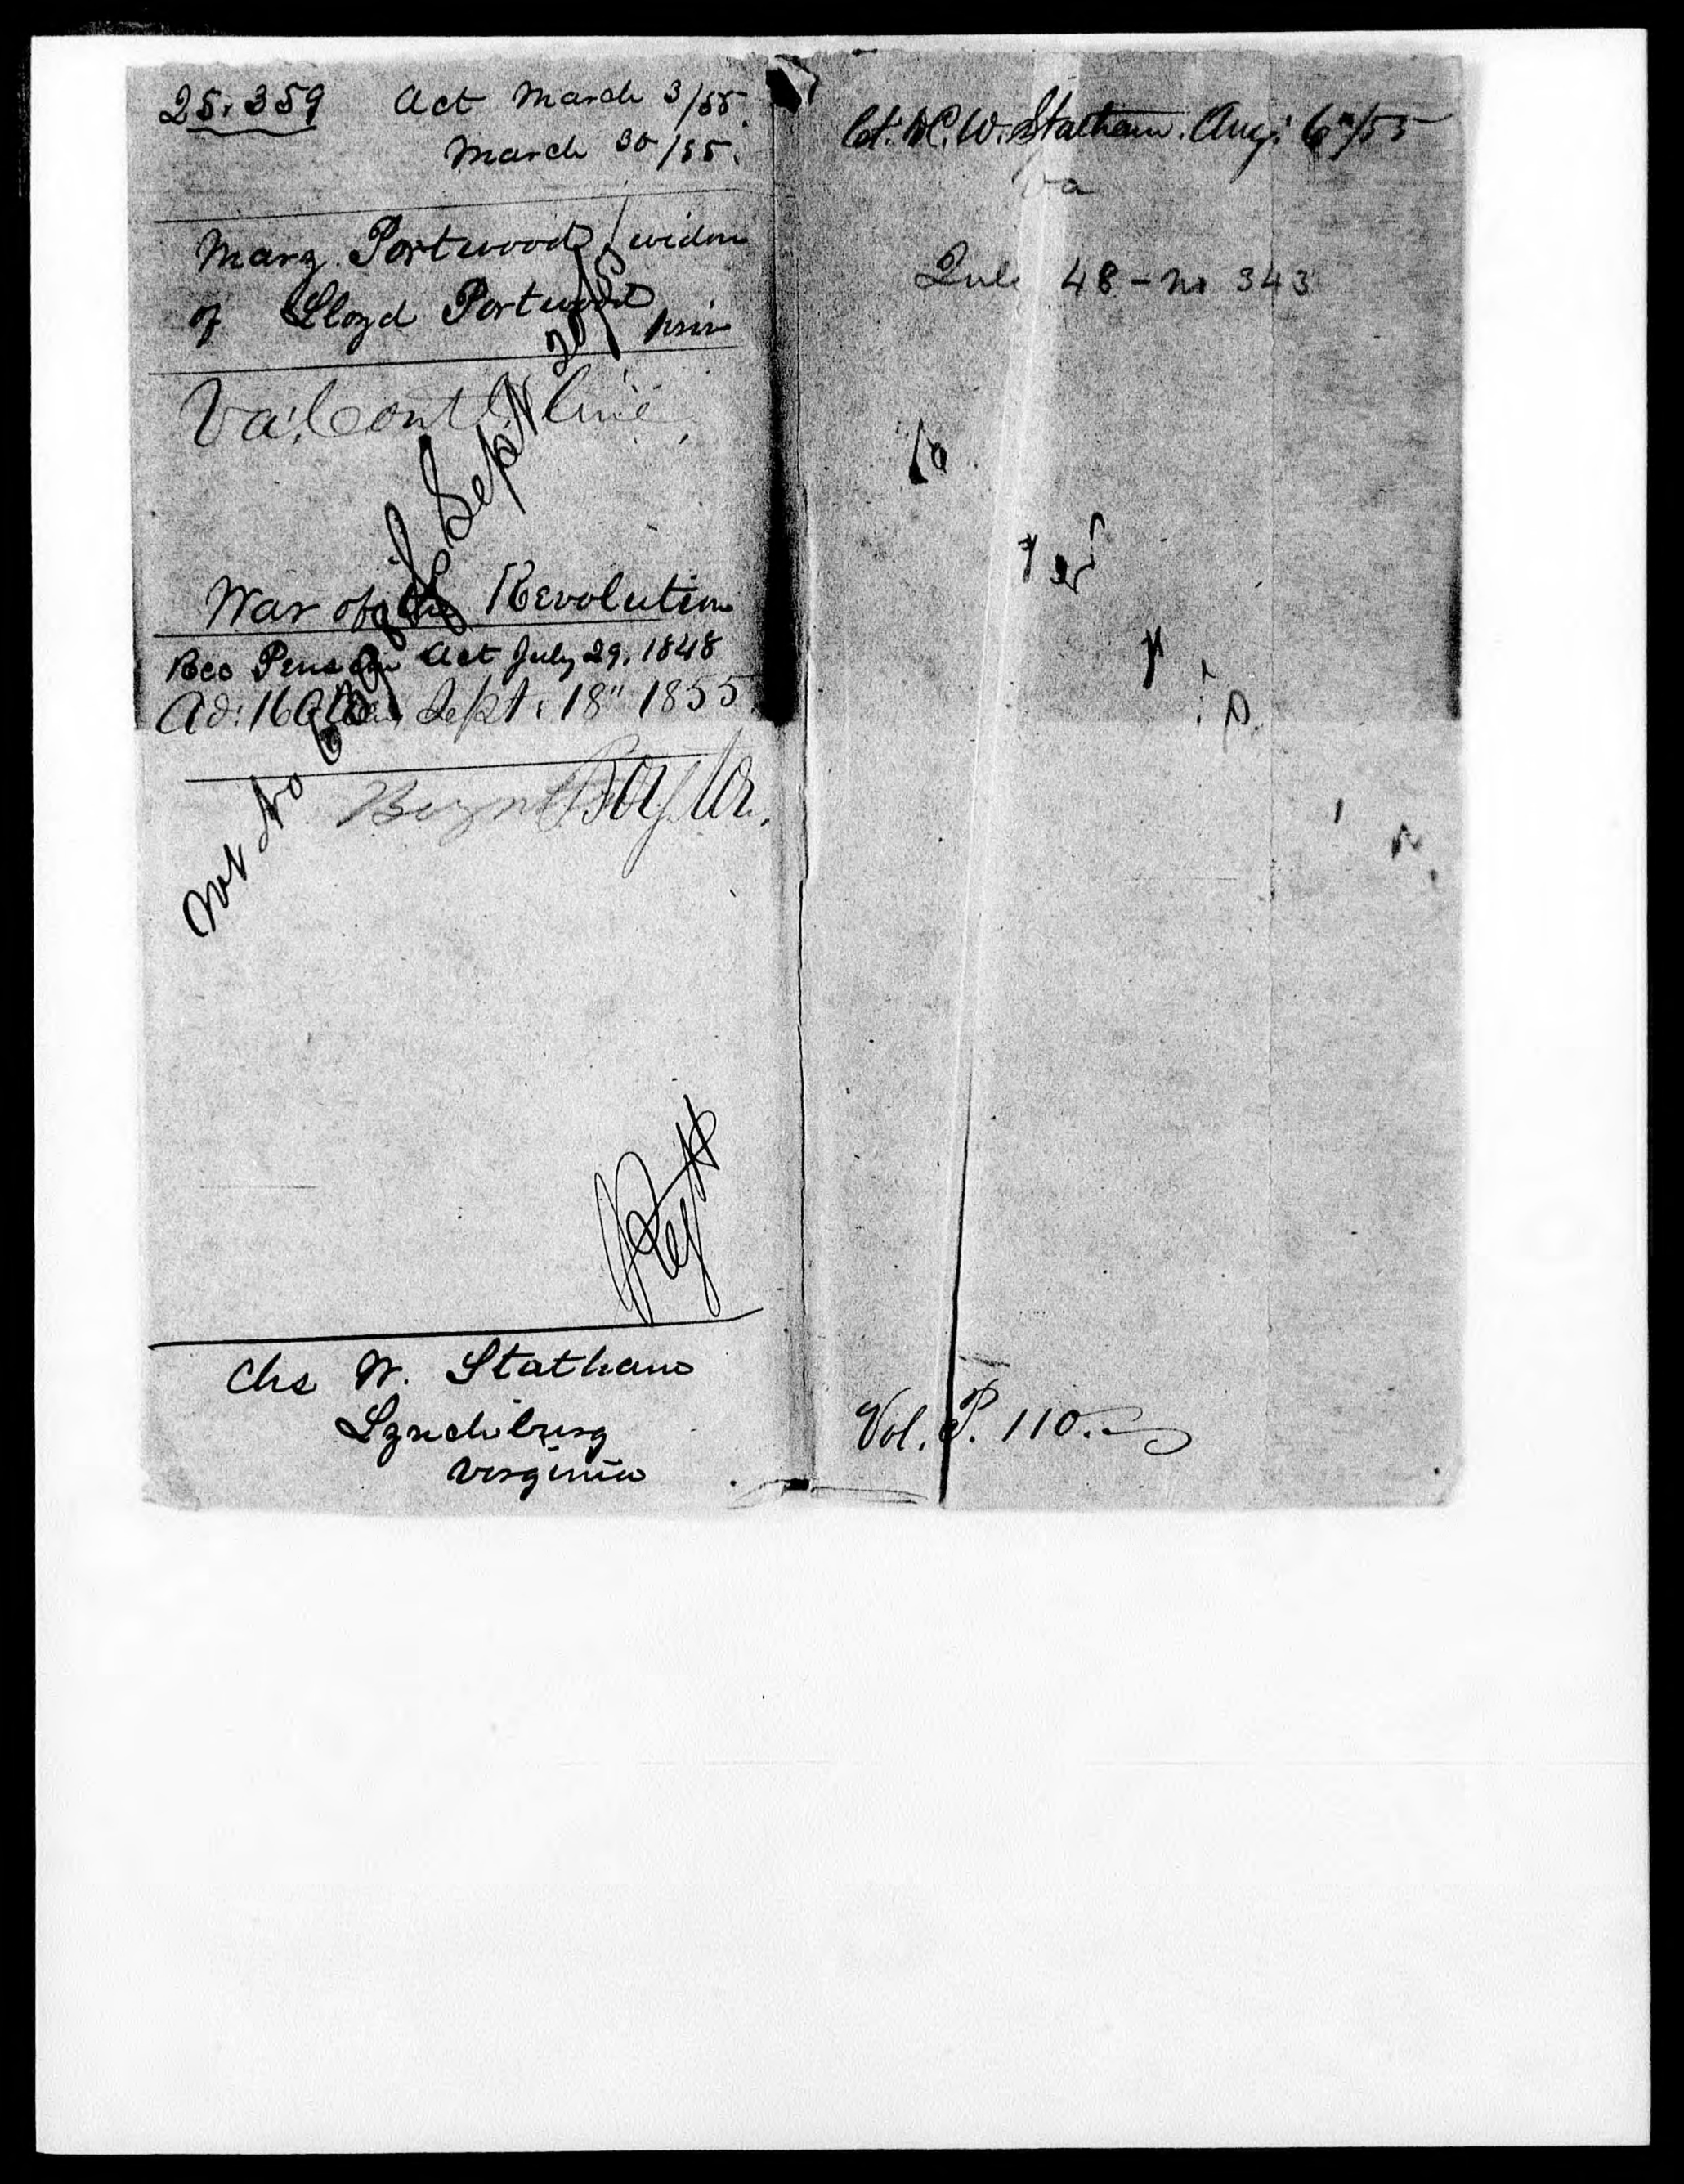[Left side of form]
25.359 Act March 3/55.
March 30/[?]5.
Mary Portwood / widow
of Lloyd Portwood
priv
Va Cont line
War of the Revolution
Rec Pension Act July 29, 1848
Ad: 160 [unreadable] Sept 18" 1855
Boynton Boylo [overwritten over previous word]
[something overwritten diagonally over all the above]
[unreadable][unreadable] 639 8 of Sept 20 / 55
Chs W. Statham
Lynchburg
Virginia
[right side of form]
Col. C. W. Statham. Aug 6"/55
Va
Vule 48 - no 343
Vol. P. 110.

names: [BLANK] Boynton; Chs W Statham; Lloyd Portwood; C W Statham; Mary Portwood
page: 8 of 50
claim: widow's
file: W. 1929, for Lloyd Portwood, Virginia